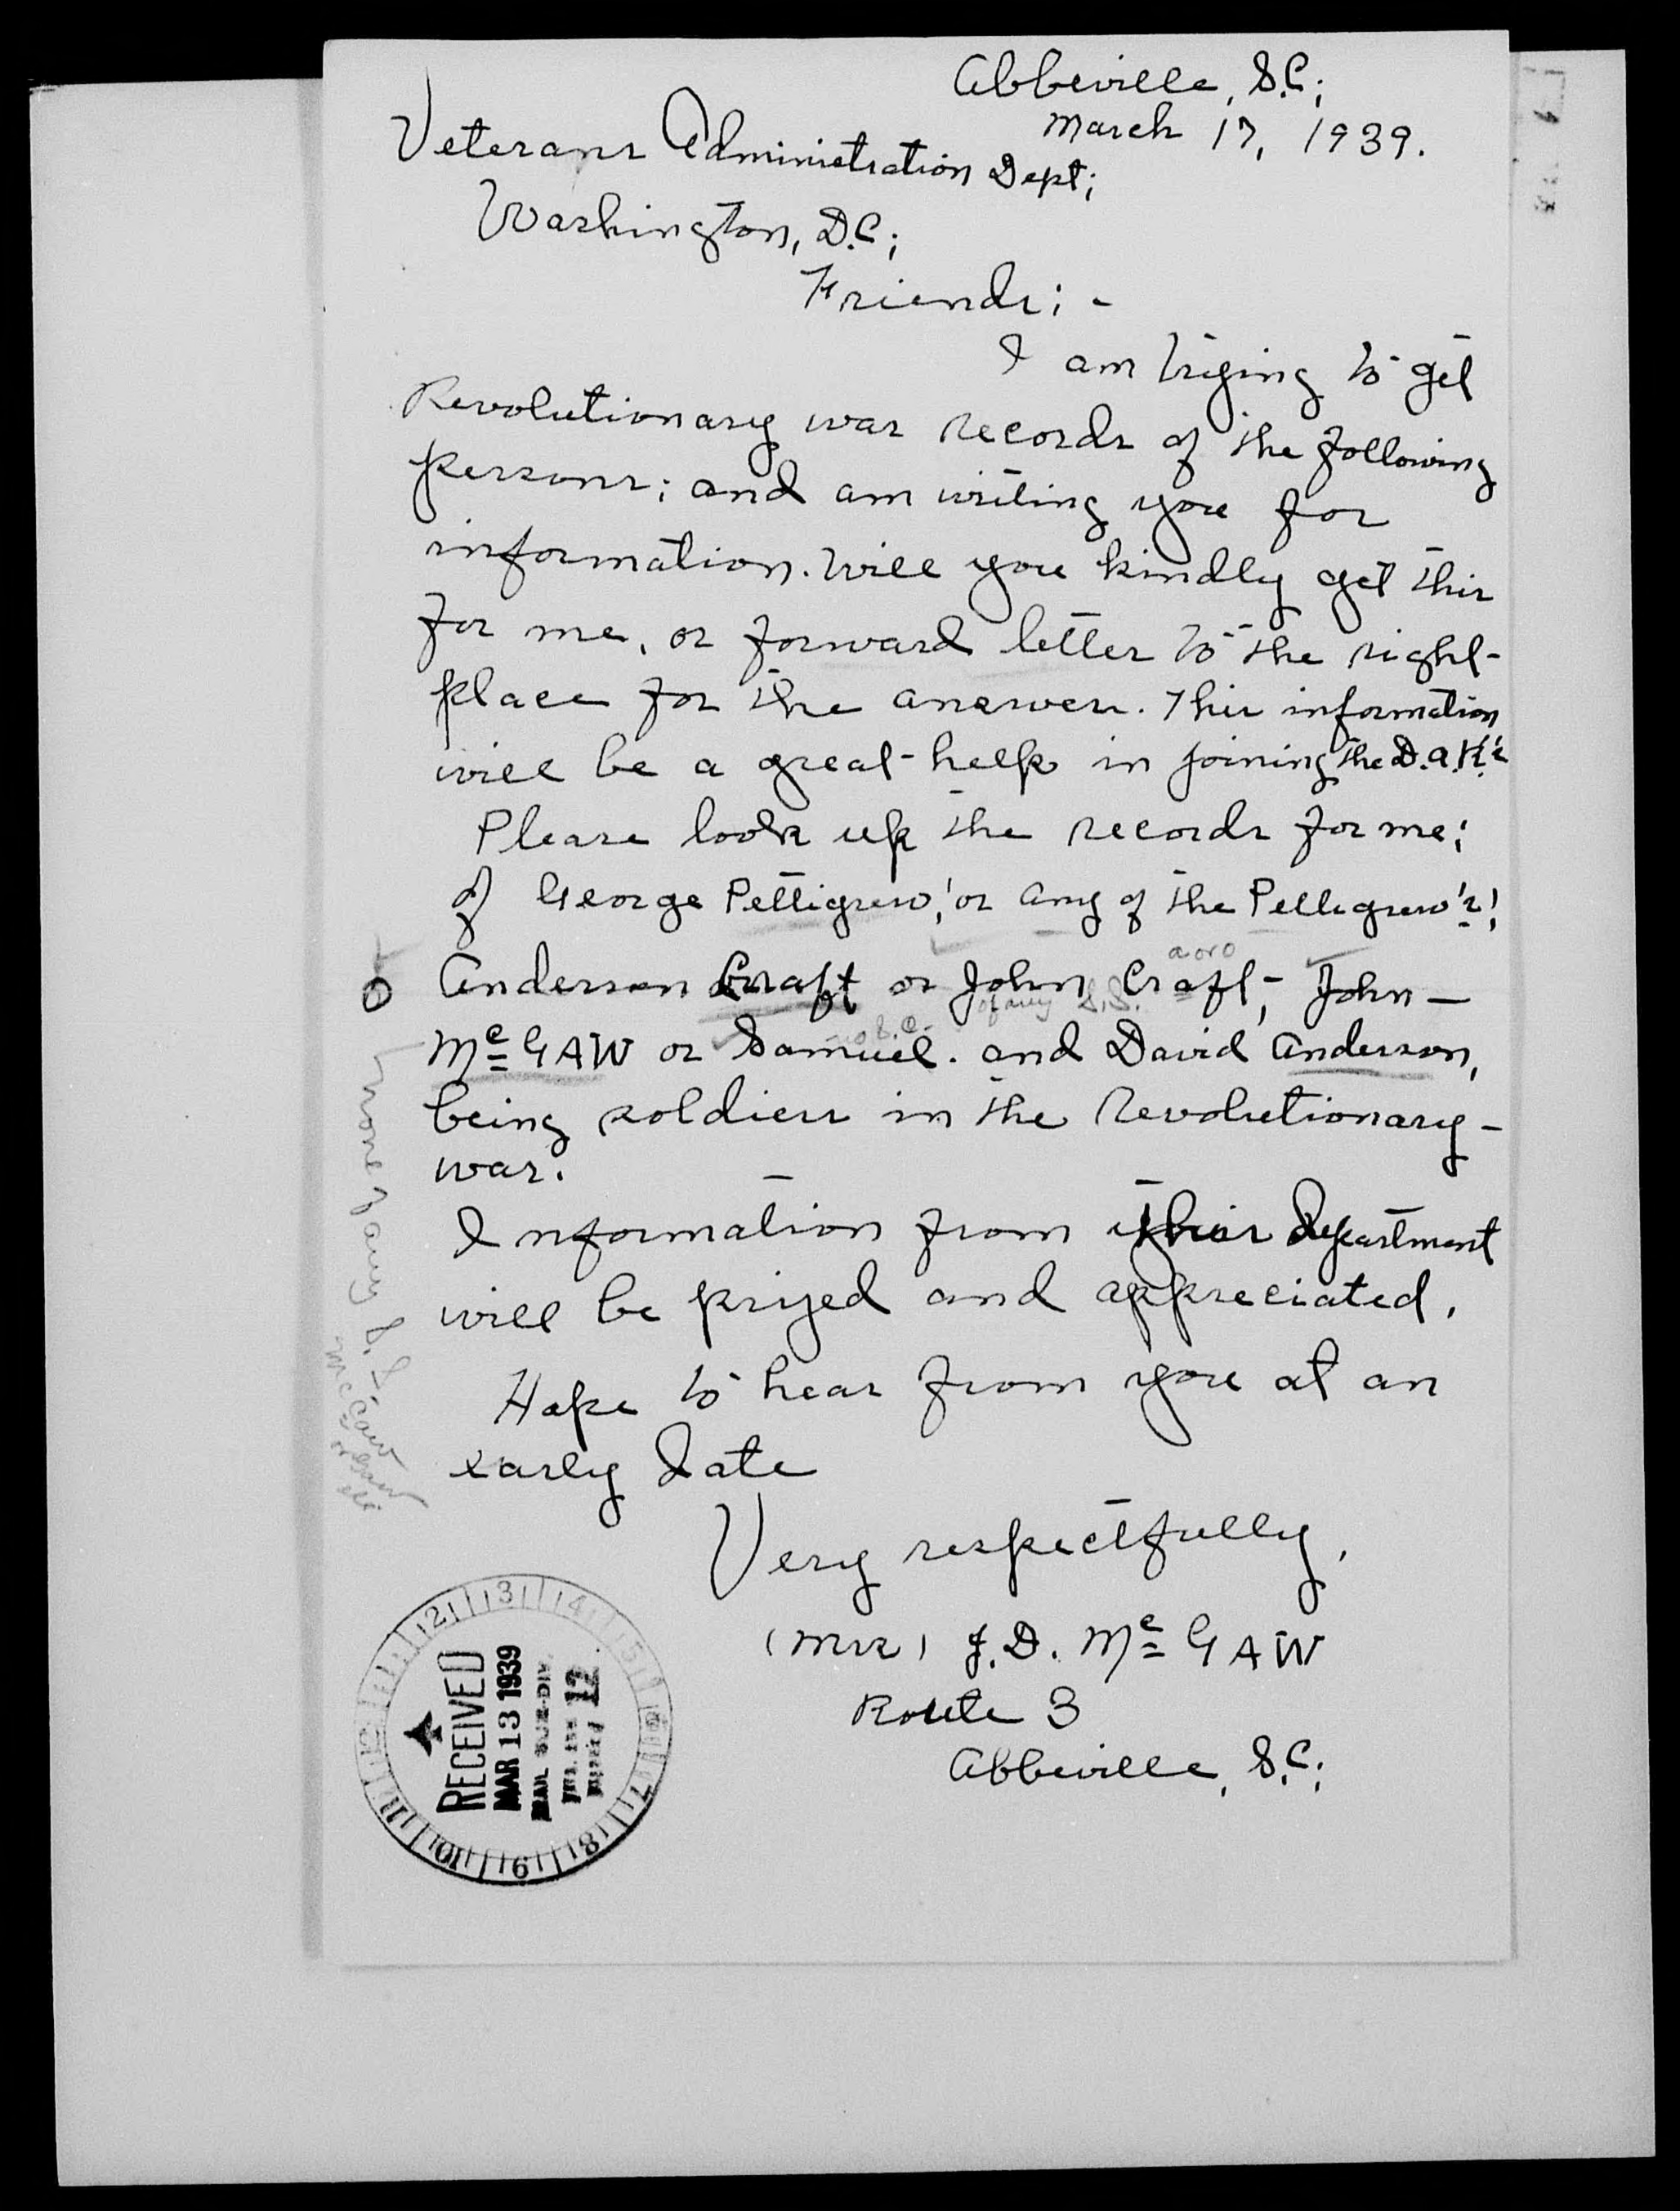Abbeville, S.C;
March 17, 1939.
Veterans Administration Dept;
Washington, D.C;
Friends;-
I am [illegible] to get Revolutionary war records of the following persons; and am willing you for information. Will you kindly get this for me, or forward letter to the right place for the answer. This information will be a great-help in joining the D.A.R.'s.
Please look up the records for me: of George Pettigrew; or any of the Pettigrew's! Anderson Craft or John Craft-, John McCaw or Samuel. and David Anderson, being soldiers in the Revolutionary war.
Information from this department will be prayed and appreciated.
Hope to hear from you at an early date
Very respectfully,
(Mr) J.D. McCaw
Ruth B
Abbeville, S.C.
[seal "RECEIVED MAR 13 1939 [illegible]"]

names: David Anderson; Samuel Anderson; J D Mc Gaw; George Pettigrew; John Mc Gaw; [BLANK] Pelligrew; Anderson Craft; John Craft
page: 88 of 92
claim: widow's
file: W. 5522, for James Pettigrew, South Carolina